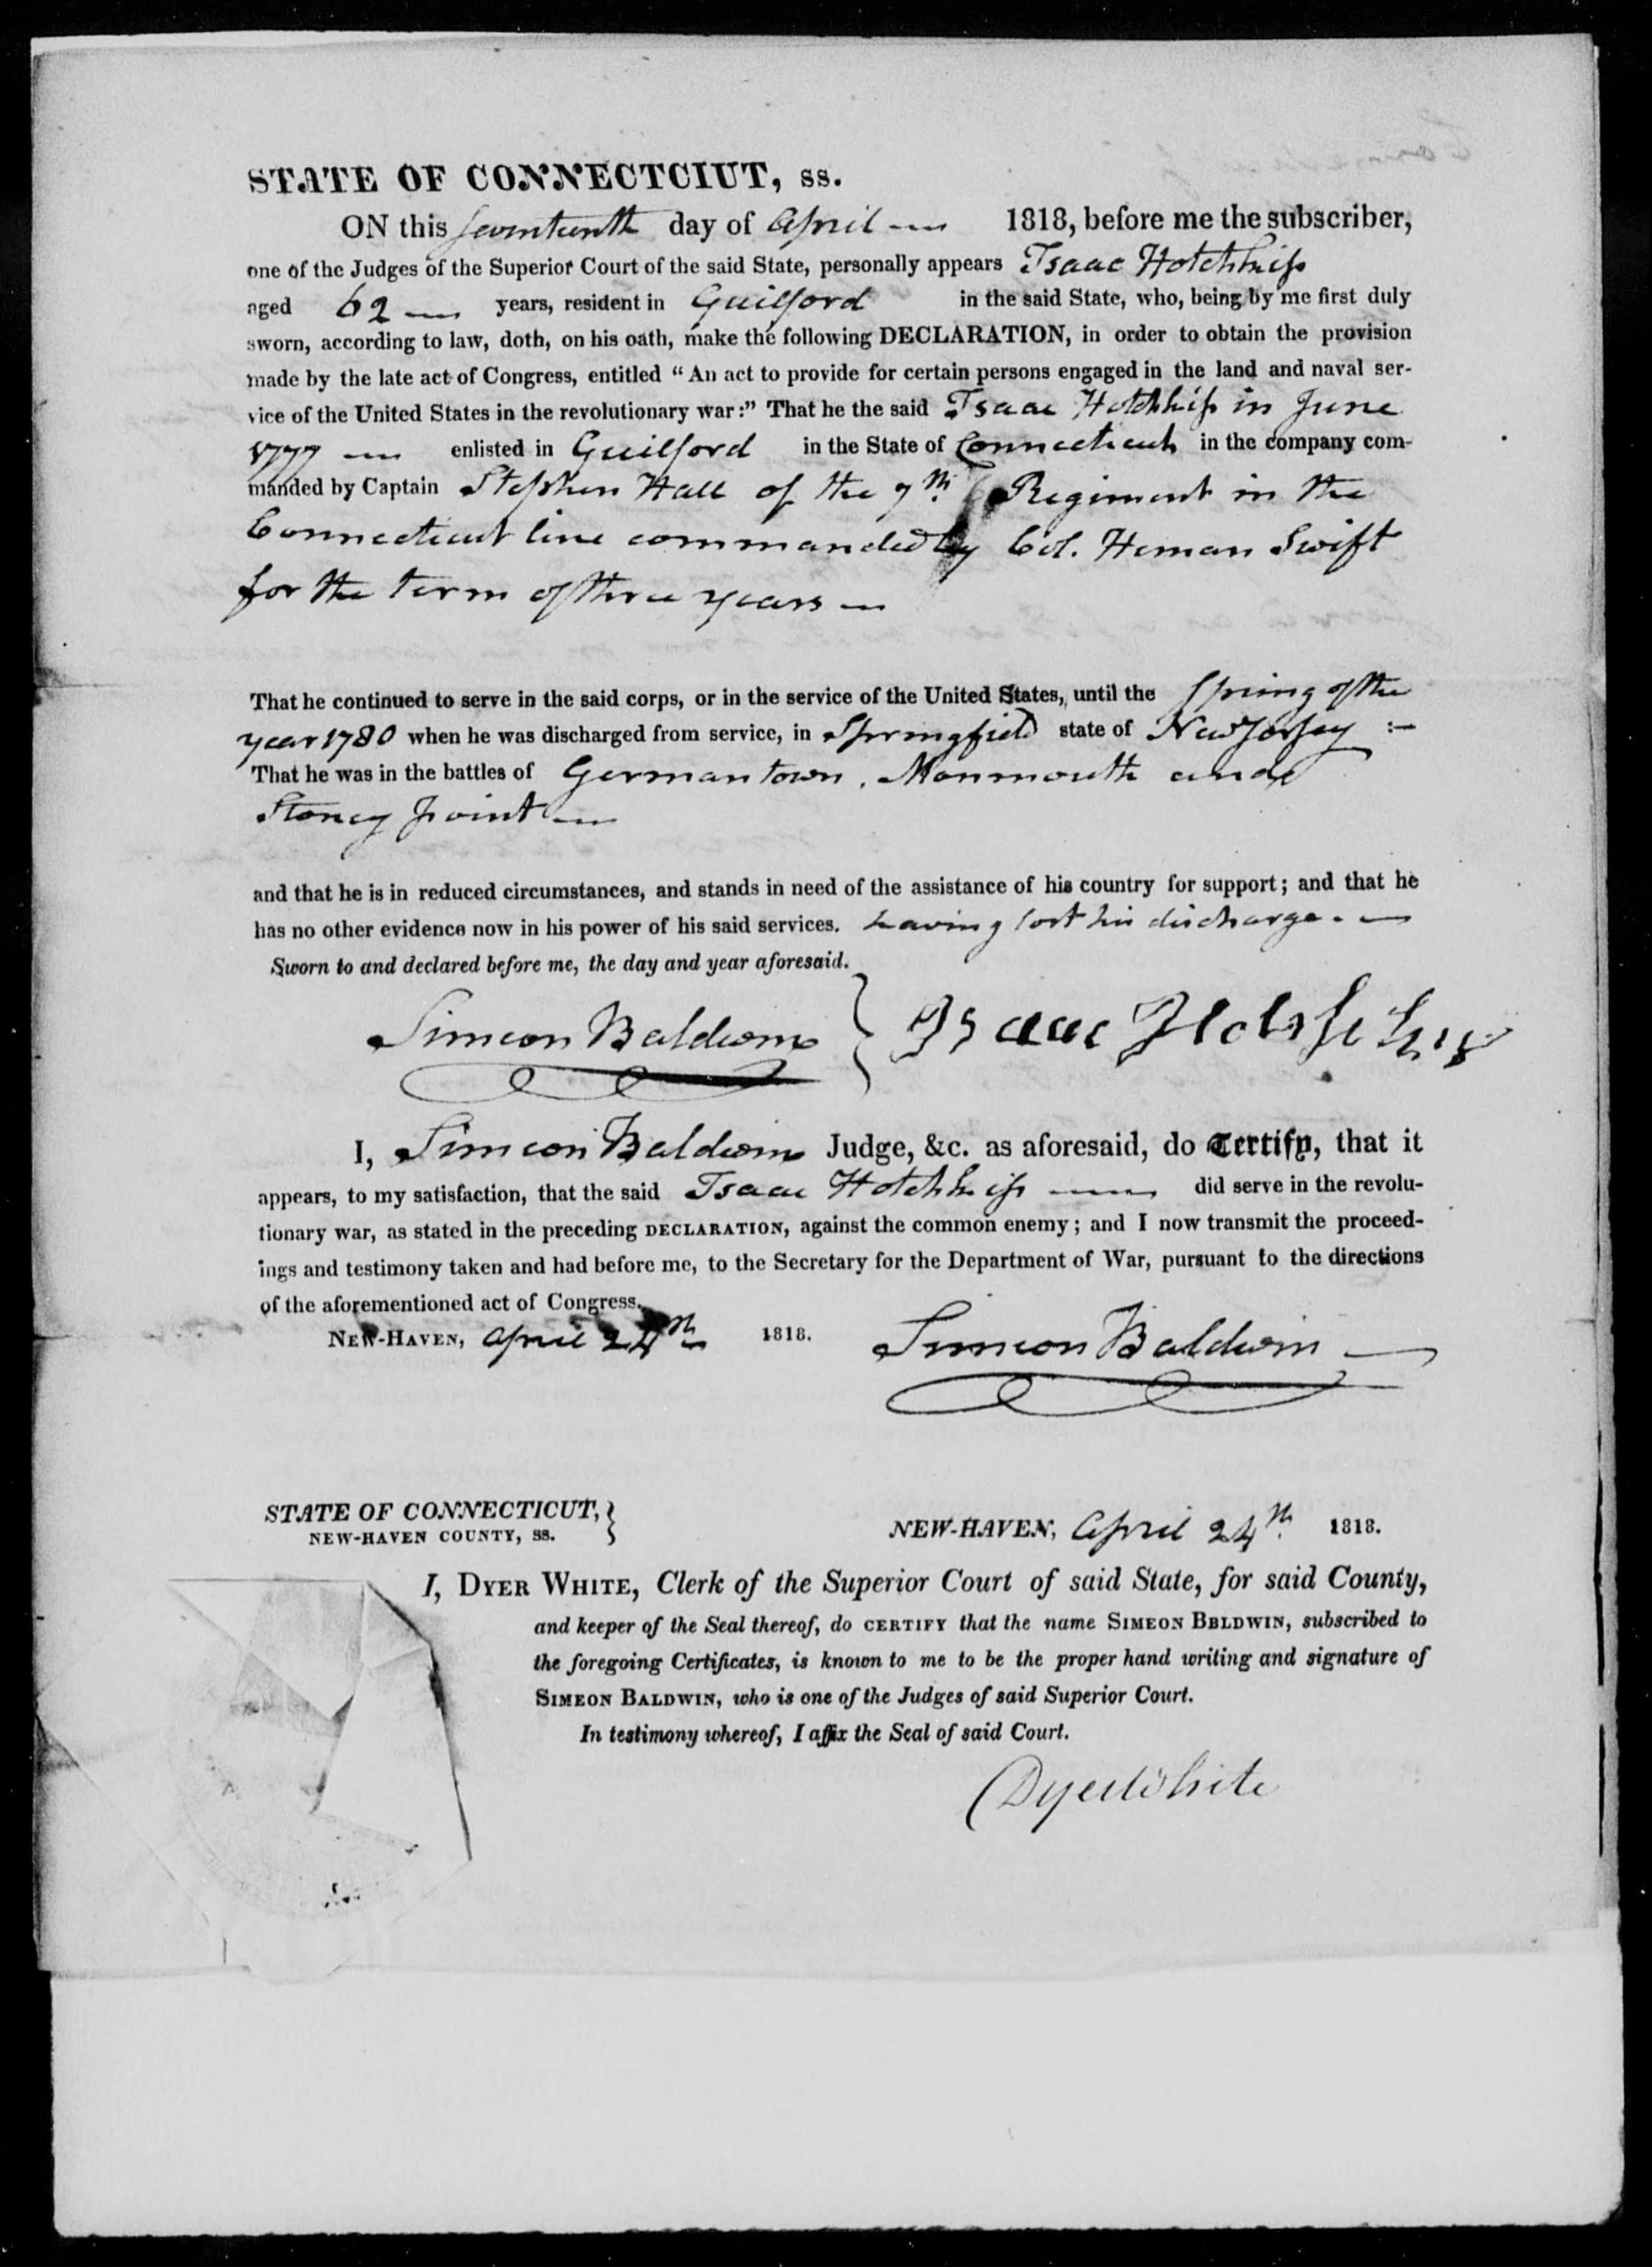State of Connecticut, 88
On this seventeenth day of April, 1818 before me the subscriber, one of the Judges of the Superior Court of the said state appears Isacc Hotchkiss aged 62 years, resident in Guilford in the said state, who, being by me duty duly sworn, according to law, doth, on his oath make the following DECLARATION, in order to obtain the provision made by the late act of Congress, entitled "An act to provide for certain persons engaged in the land and naval service of the United States in the revolutionary war:" That he the said Issac Hotchkiss in June 1777 enlisted in Guilford in the State of Connecticut in the company commanded by Captain Stepthen Hall of the 7th Regiment in the Connecticut line commanded by Colonel Herman Swift for the term of three years. 

That he continued to serve in the said corps, or in the service of the United states until the spring of the year 1780 when he was discharged from service, in Springield state of New Jersey. That he was in the battles of Germantown, Monomouth chouse, Stony Point

and that he is in reduced circumstances, and stands in need of the assistance of his country for support; and that he has no other evidence now in his power of his said services having lost his discharge. Sworn to and declared before me, the day and year aforesaid. 

Simon Baldwin
Isaac Hotchkiss

I, Simon Baldwin, Judge, &c. as aforesaid, do certify, that it appears, to my satisfaction, that the said Isaac Hotchkiss did serve in the revolutionary war, as stated in the preceding declaration, against the common enemy; and I now transmit the proceedings and testimony taken and had before me, to the Secretary for the Department of War, pursuant to the directions of the aforementioned act of Congress.

New-Haven, April 24th, 1818. Simon Baldwin

STATE OF CONNECTICUT,
NEW-HAVEN COUNTY, SS.  New-Haven, April 24th, 1818.

I, Dyer White, Clerk of the Superior Court of said State, for said County, and keeper of the Seal thereof, do certify that the name Simeon Baldwin, subscribed to the foregoing Certificates, is known to me to be the proper handwriting and signature of Simeon Baldwin, who is one of the Judges of said Superior Court.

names: Simeon Baldwin, Heman Swift, Stephen Hall, Dyer White, Isaac Hotchkiss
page: 5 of 25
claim: widow's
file: W. 18,021, Isaac Hotchkiss, Conn.